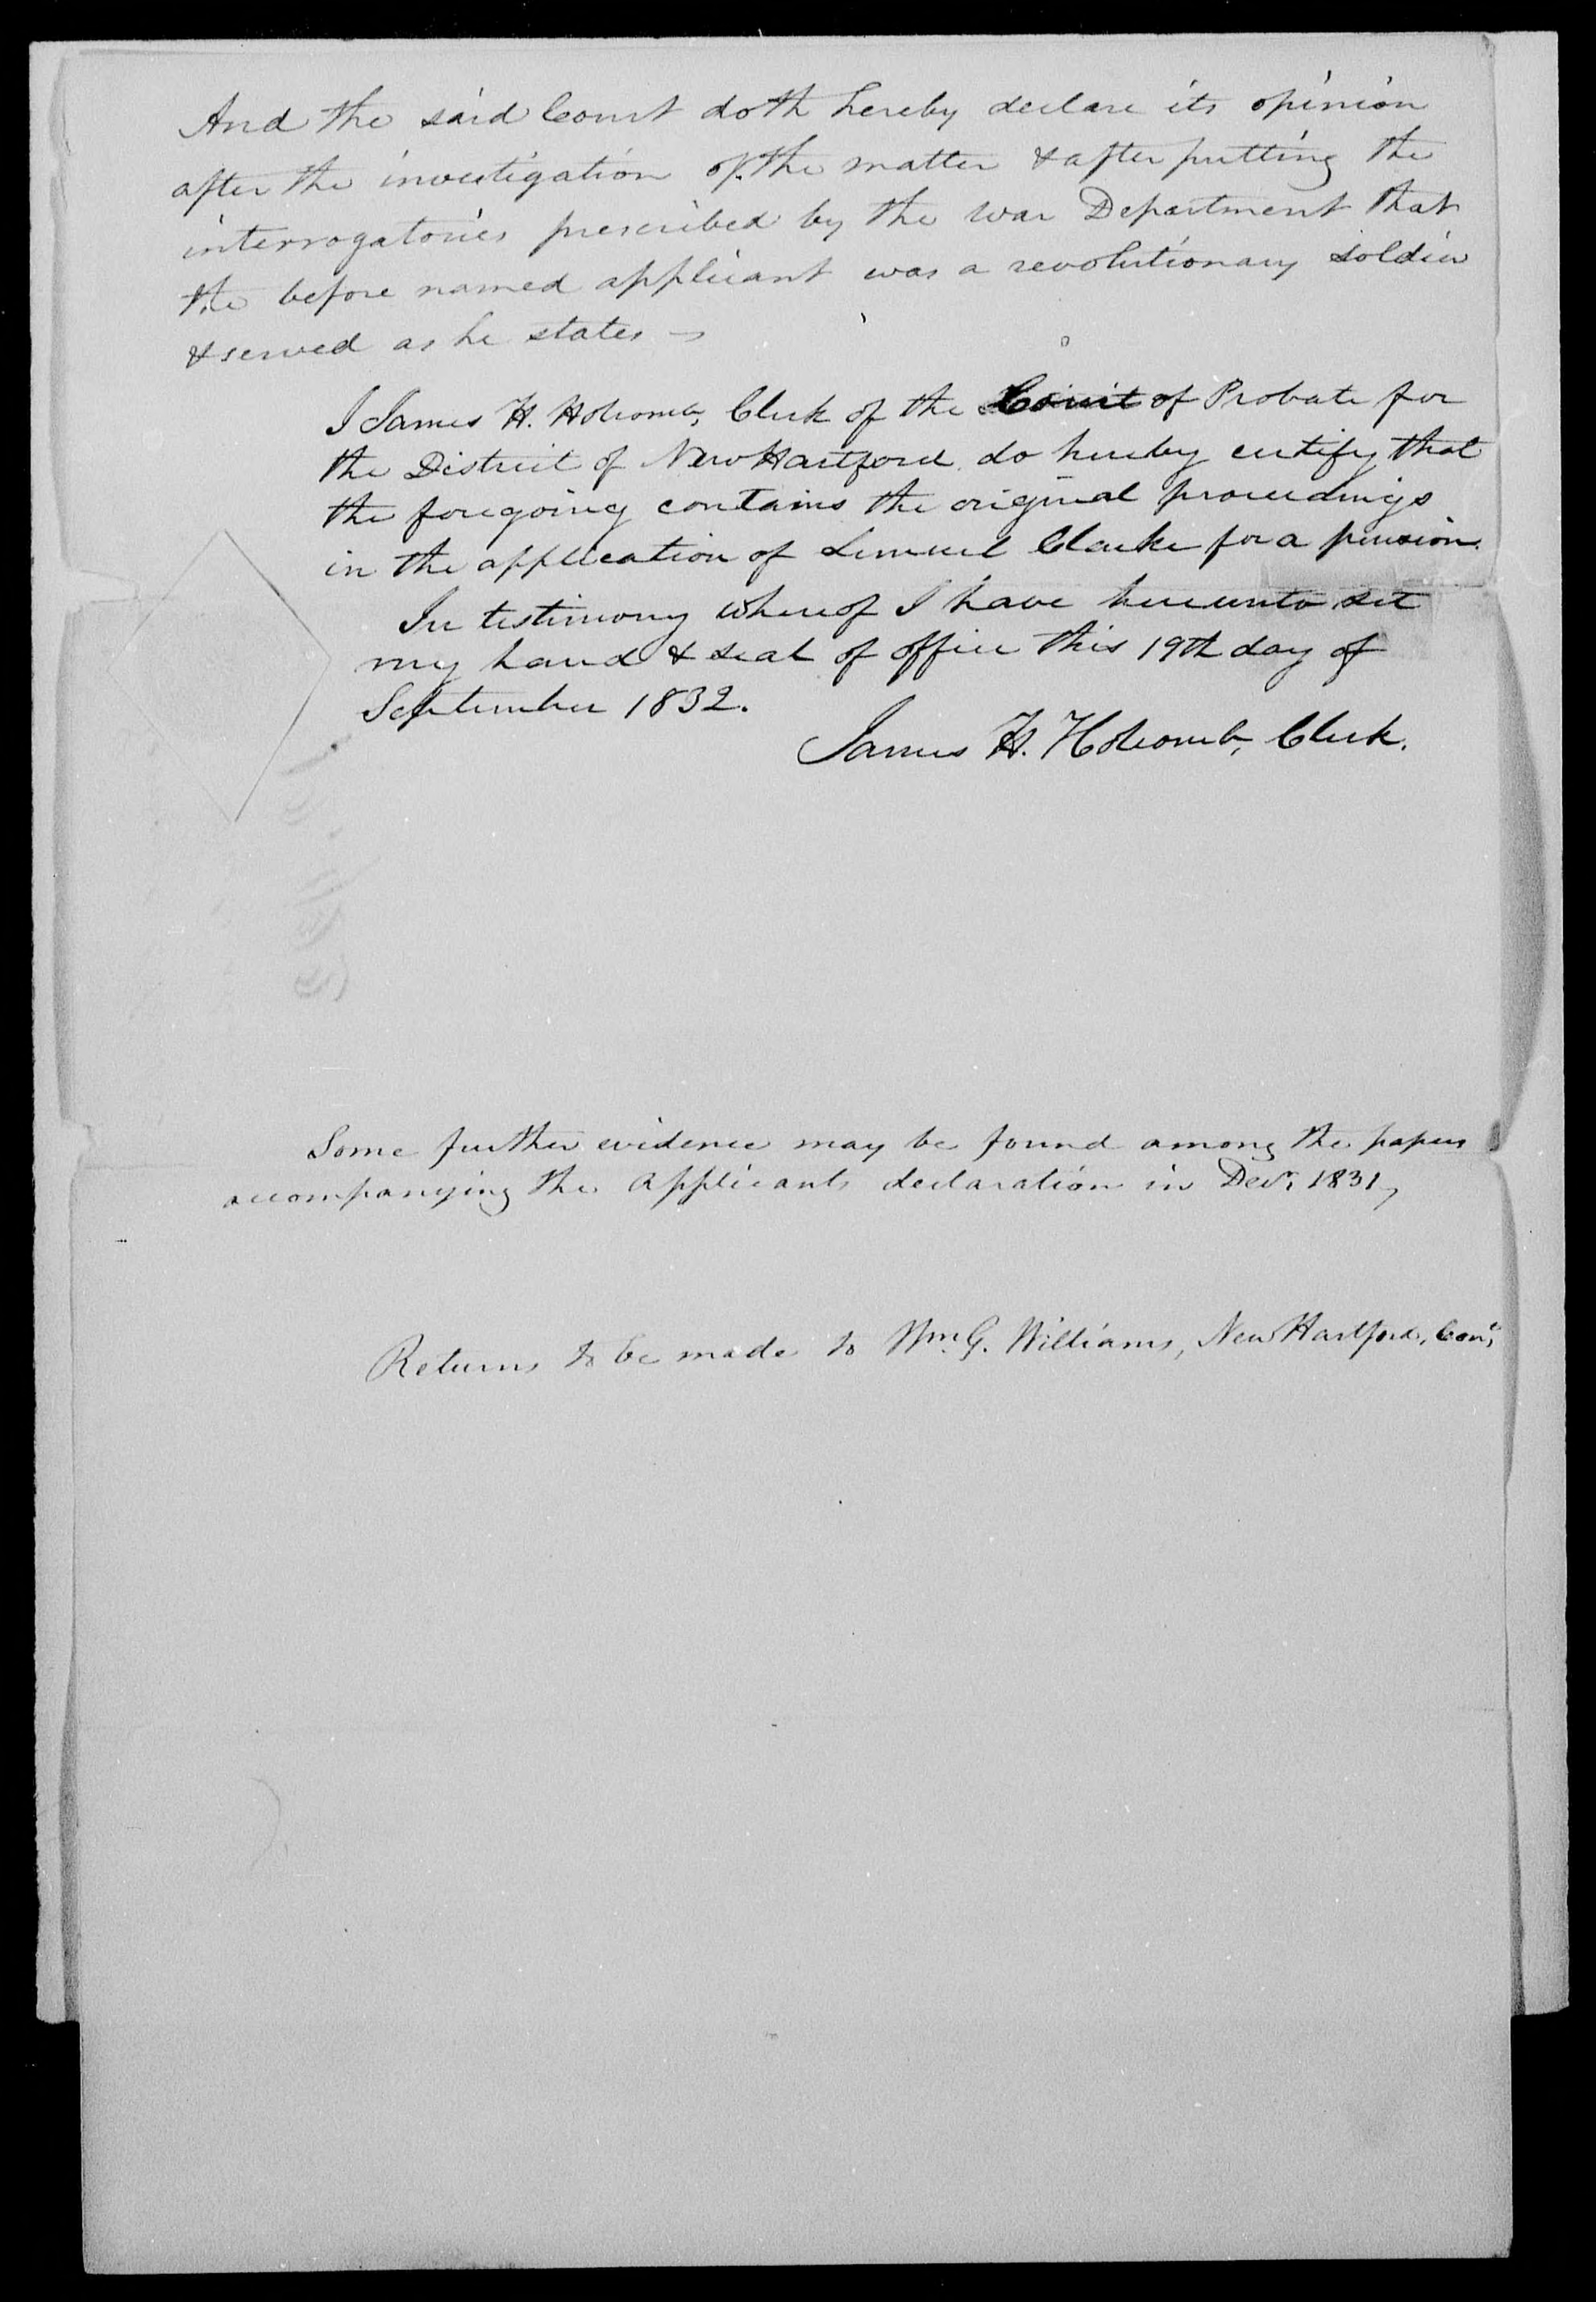And the said Court doth hereby declare its opinion after the investigation of the matter & after putting the interrogatories prescribed by the war Department that before named applicant was a revolutionary soldier served as he states- 

I James H. Holcomb, Clerk of the Court of Probate for the District of New Hartford do hereby certify that the foregoing contains the original proceedings in the application of Lemuel Clark for a pension 

In testimony whereof I have hereunto set my hand & seal of office this 19th day of September 1832 
James H. Holcomb, Clerk, 

some further evidence may be found among the papers accompanying the applicants declaration in Decr 1831, Returns to be made to Wm G. Williams, New Hartford, Conn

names: James H Holcomb, Lemuel Clarke, Wm G Williams, James H Holcomb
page: 31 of 48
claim: survivor's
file: S. 17343, Lemuel Clarke, Mass.